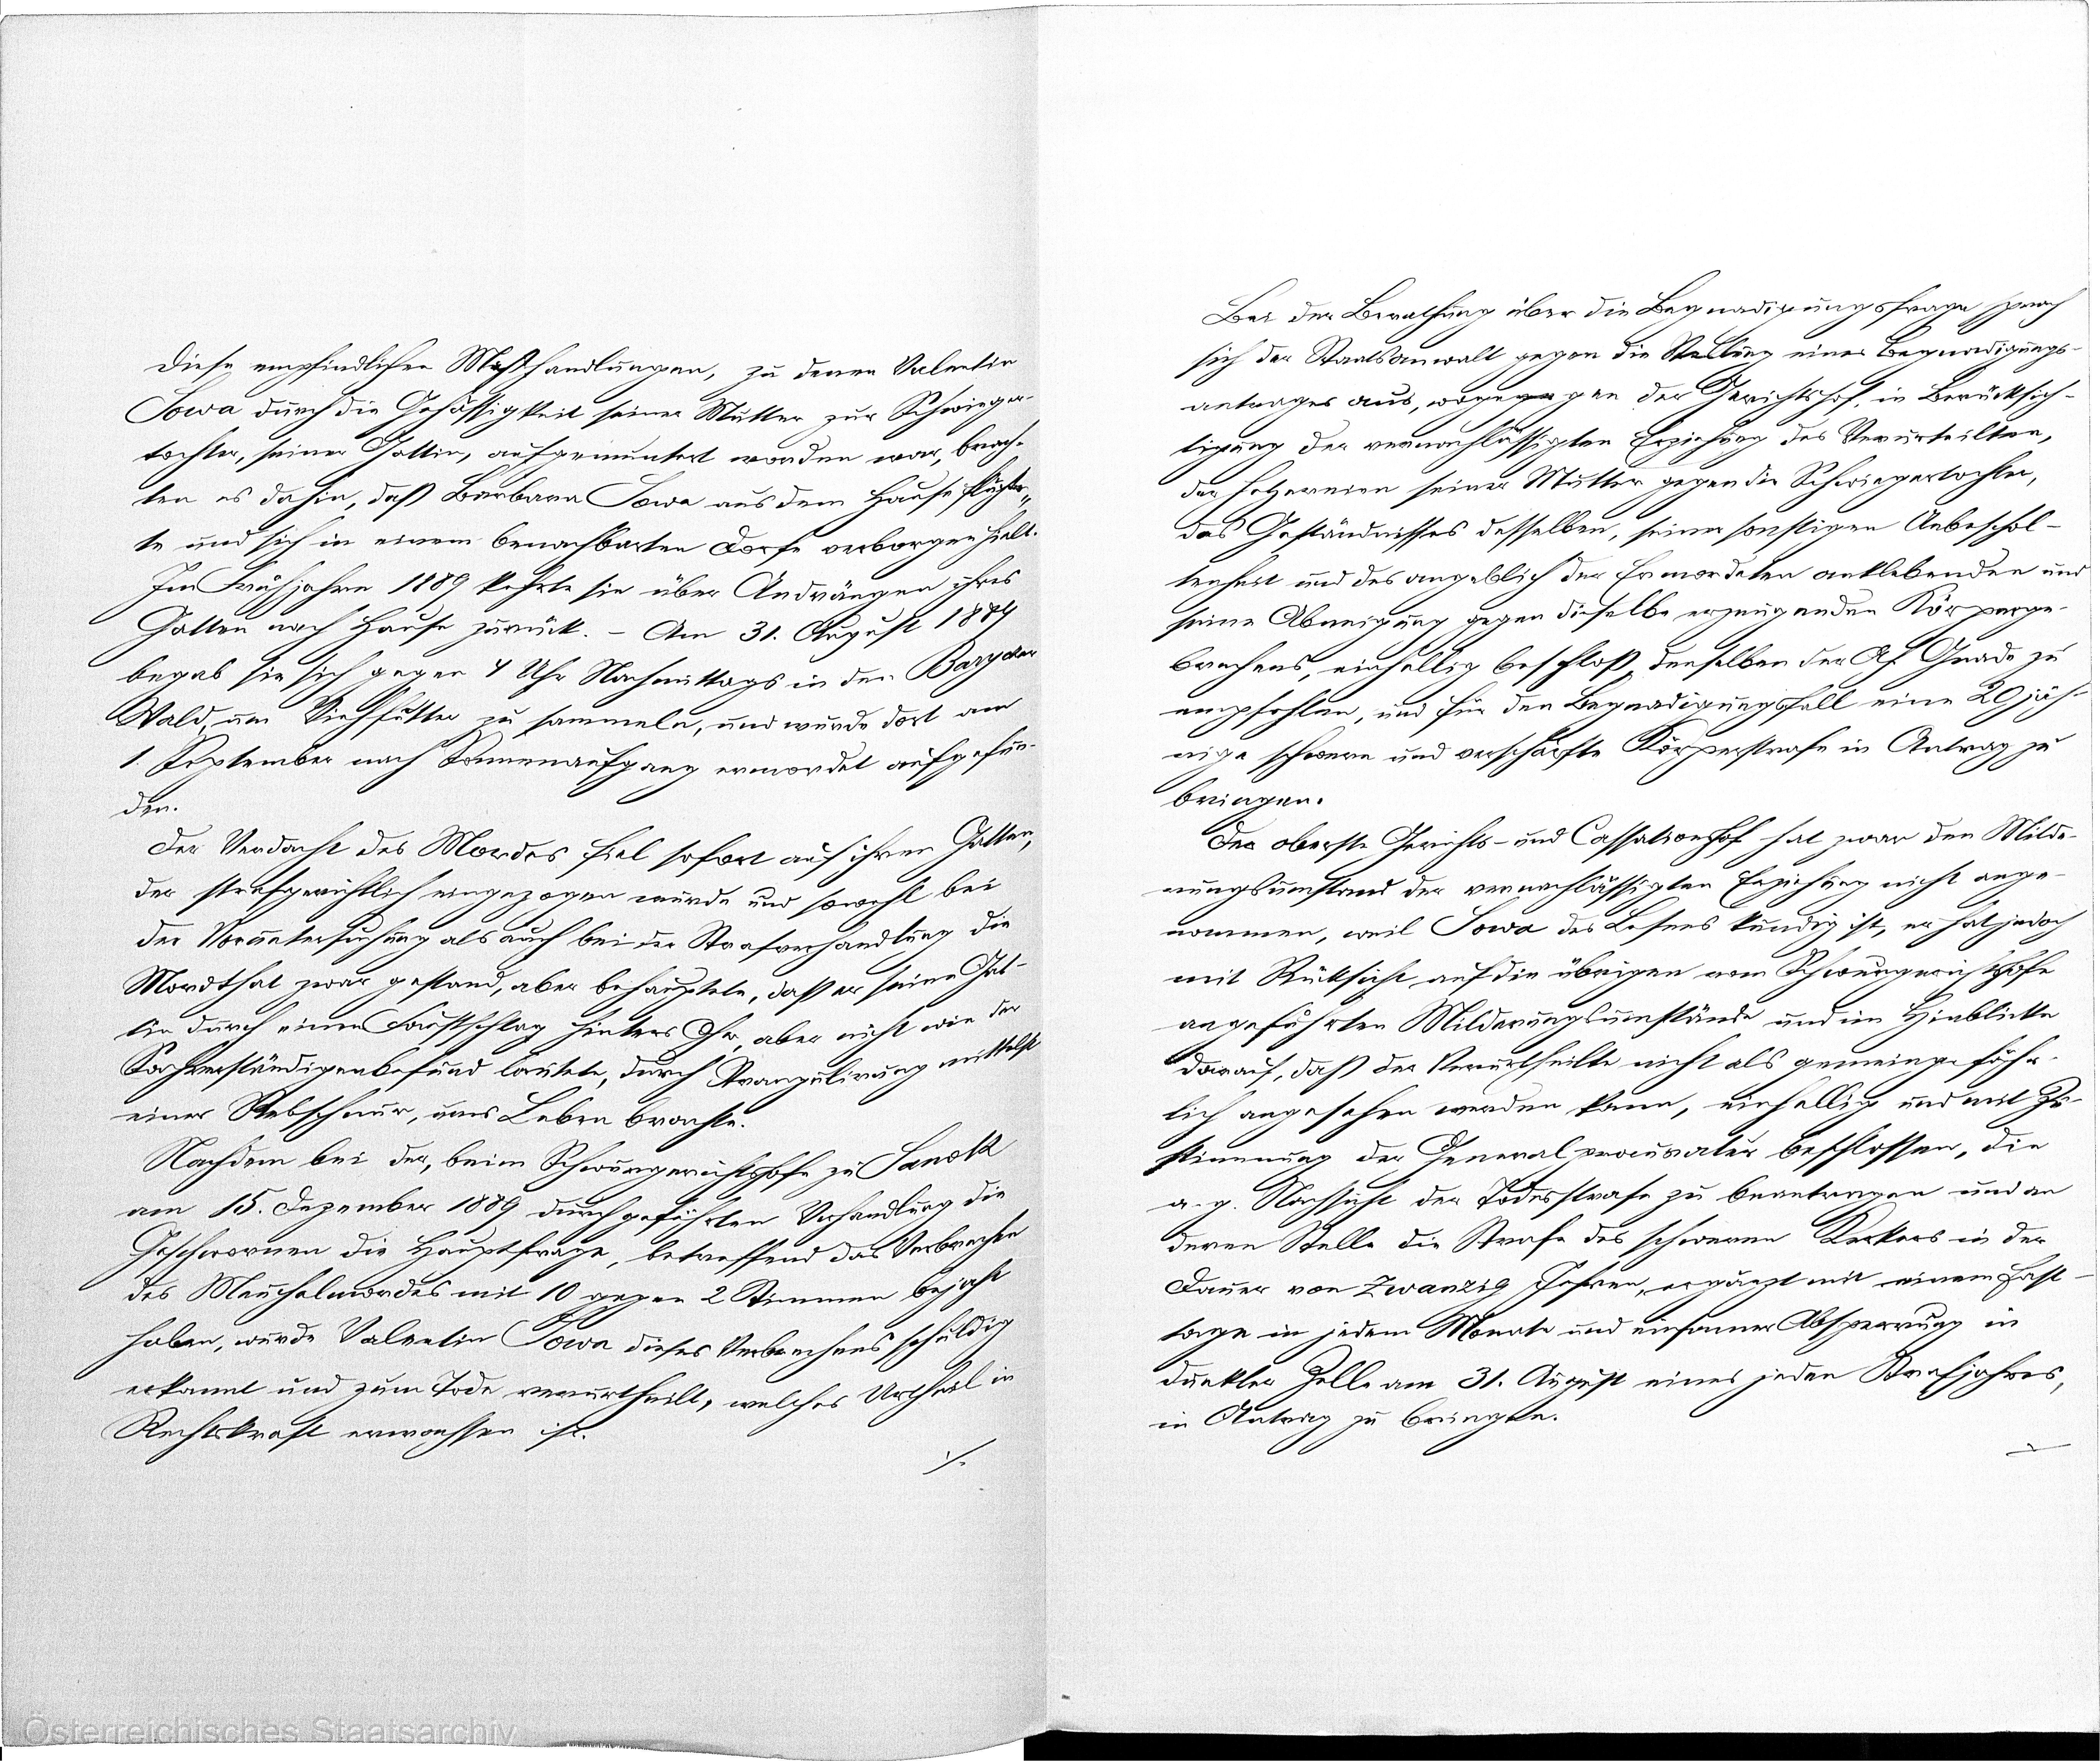Diese empfindlichen Maßhandlungen, zu denen Valentin
Sowa durch die Gefässigkeit seiner Mutter zur Schwieger¬
tochter, seiner Gattin, aufgemuntert worden war, brach¬
ten es dahin, daß Barbara Sowa aus dem Hause Führ¬
ten und sich in einem benachbarten Dorf verborgen hielt.
Im Frühjahre 1889 kehrte sie über Andrängen ihres
Gatten nach Hause zurück. - Am 31. August 1889
begab sie sich gegen 4 Uhr Nachmittags in den Baryczer
Wald, um Viehfutter zu sammeln, und wurde dort am
1. September nach Sonnenaufgang ermordet aufgefür¬
den.
Der Verdacht des Mordes Fiel sofort auf ihrer Gatten,
der strafgerichtlich eingezogen würde und sowohl bei
der Voruntersuchung als auch bei der Strafverhandlung die
Mordthat zwar gestand, aber bexxtete, daß er seine Gat¬
tin durch einen Faustschlag hinters Ohr, aber nicht wie der
Sachverständigensfund lautete, durch Strangulierung mittelst
einer Rebschnur, uns Leben brachte.
Nachdem bei der, beim Schwörgerichtshofe zu Sanok
am 15. Dezember 1889 durch geführten Verhandlung die
Geschwornen die Hauptfrage, betreffend das Verbrechen
des Meuchelmordes mit 10 gegen 2 Stimmen bejaht
haben, wurde Valentin Sowa dieses Verbrechens schuldig
erkannt und zum Tode verurtheilt, welches Urtheil in
Rechtskraft erwachsen ist.
Bei der Berathung über die Begnadigungsfrage sprach
sich der Staatsanwalt gegen die Stellung eines Begnadigungs¬
antrages aus, wogegen der Gerichtshof, in Berücksich¬
tigung der vernachlässigten Erziehung des Verurteilten,
der Hetzereien seiner Mutter gegen die Schwiegertochter,
das Geständnisses desselben, seiner sonstigen Unbeschol¬
tenheit und des angeblich der Ermordeten anklebenden und
seine Abneigung gegen dieselbe erzeugenden Körperge¬
brechens, einhellig beschloß, denselben der Af Gnade zu
empfehlen, und für den Begnadigungsfall eine 20jäh¬
rige schwere und verschärfte Körperstrafe in Antrag zu
bringen.
Der oberste Gerichts- und Cassationhof hat zwar den Milde¬
rungsumstand der vernachlässigten Erziehung nicht ange¬
nommen, weil Sowa des Lesens kundig ist, er hat jedoch
mit Rücksicht auf die übrigen vom Schwurgerichtshofe
angeführten Milderungsumstände und im Hinblicke
darauf, daß der Verurtheilte nicht als gemeingefähr¬
lich angesehen werden kann, einhellig und mit Zu¬
stimmung der Generalprocuratur beschlossen, die
a. g. Nachsicht der Todesstrafe zu beantragen und an
denen Stelle die Strafe des schweren Kerkers in der
Dauer von Zwanzig Jahren, ergxxzt mit einem Fast¬
tage in jedem Monate einsamer Absperrung in
dunkler Zelle am 31. August eines jeden Strafjahres,
in Antrag zu bringen.